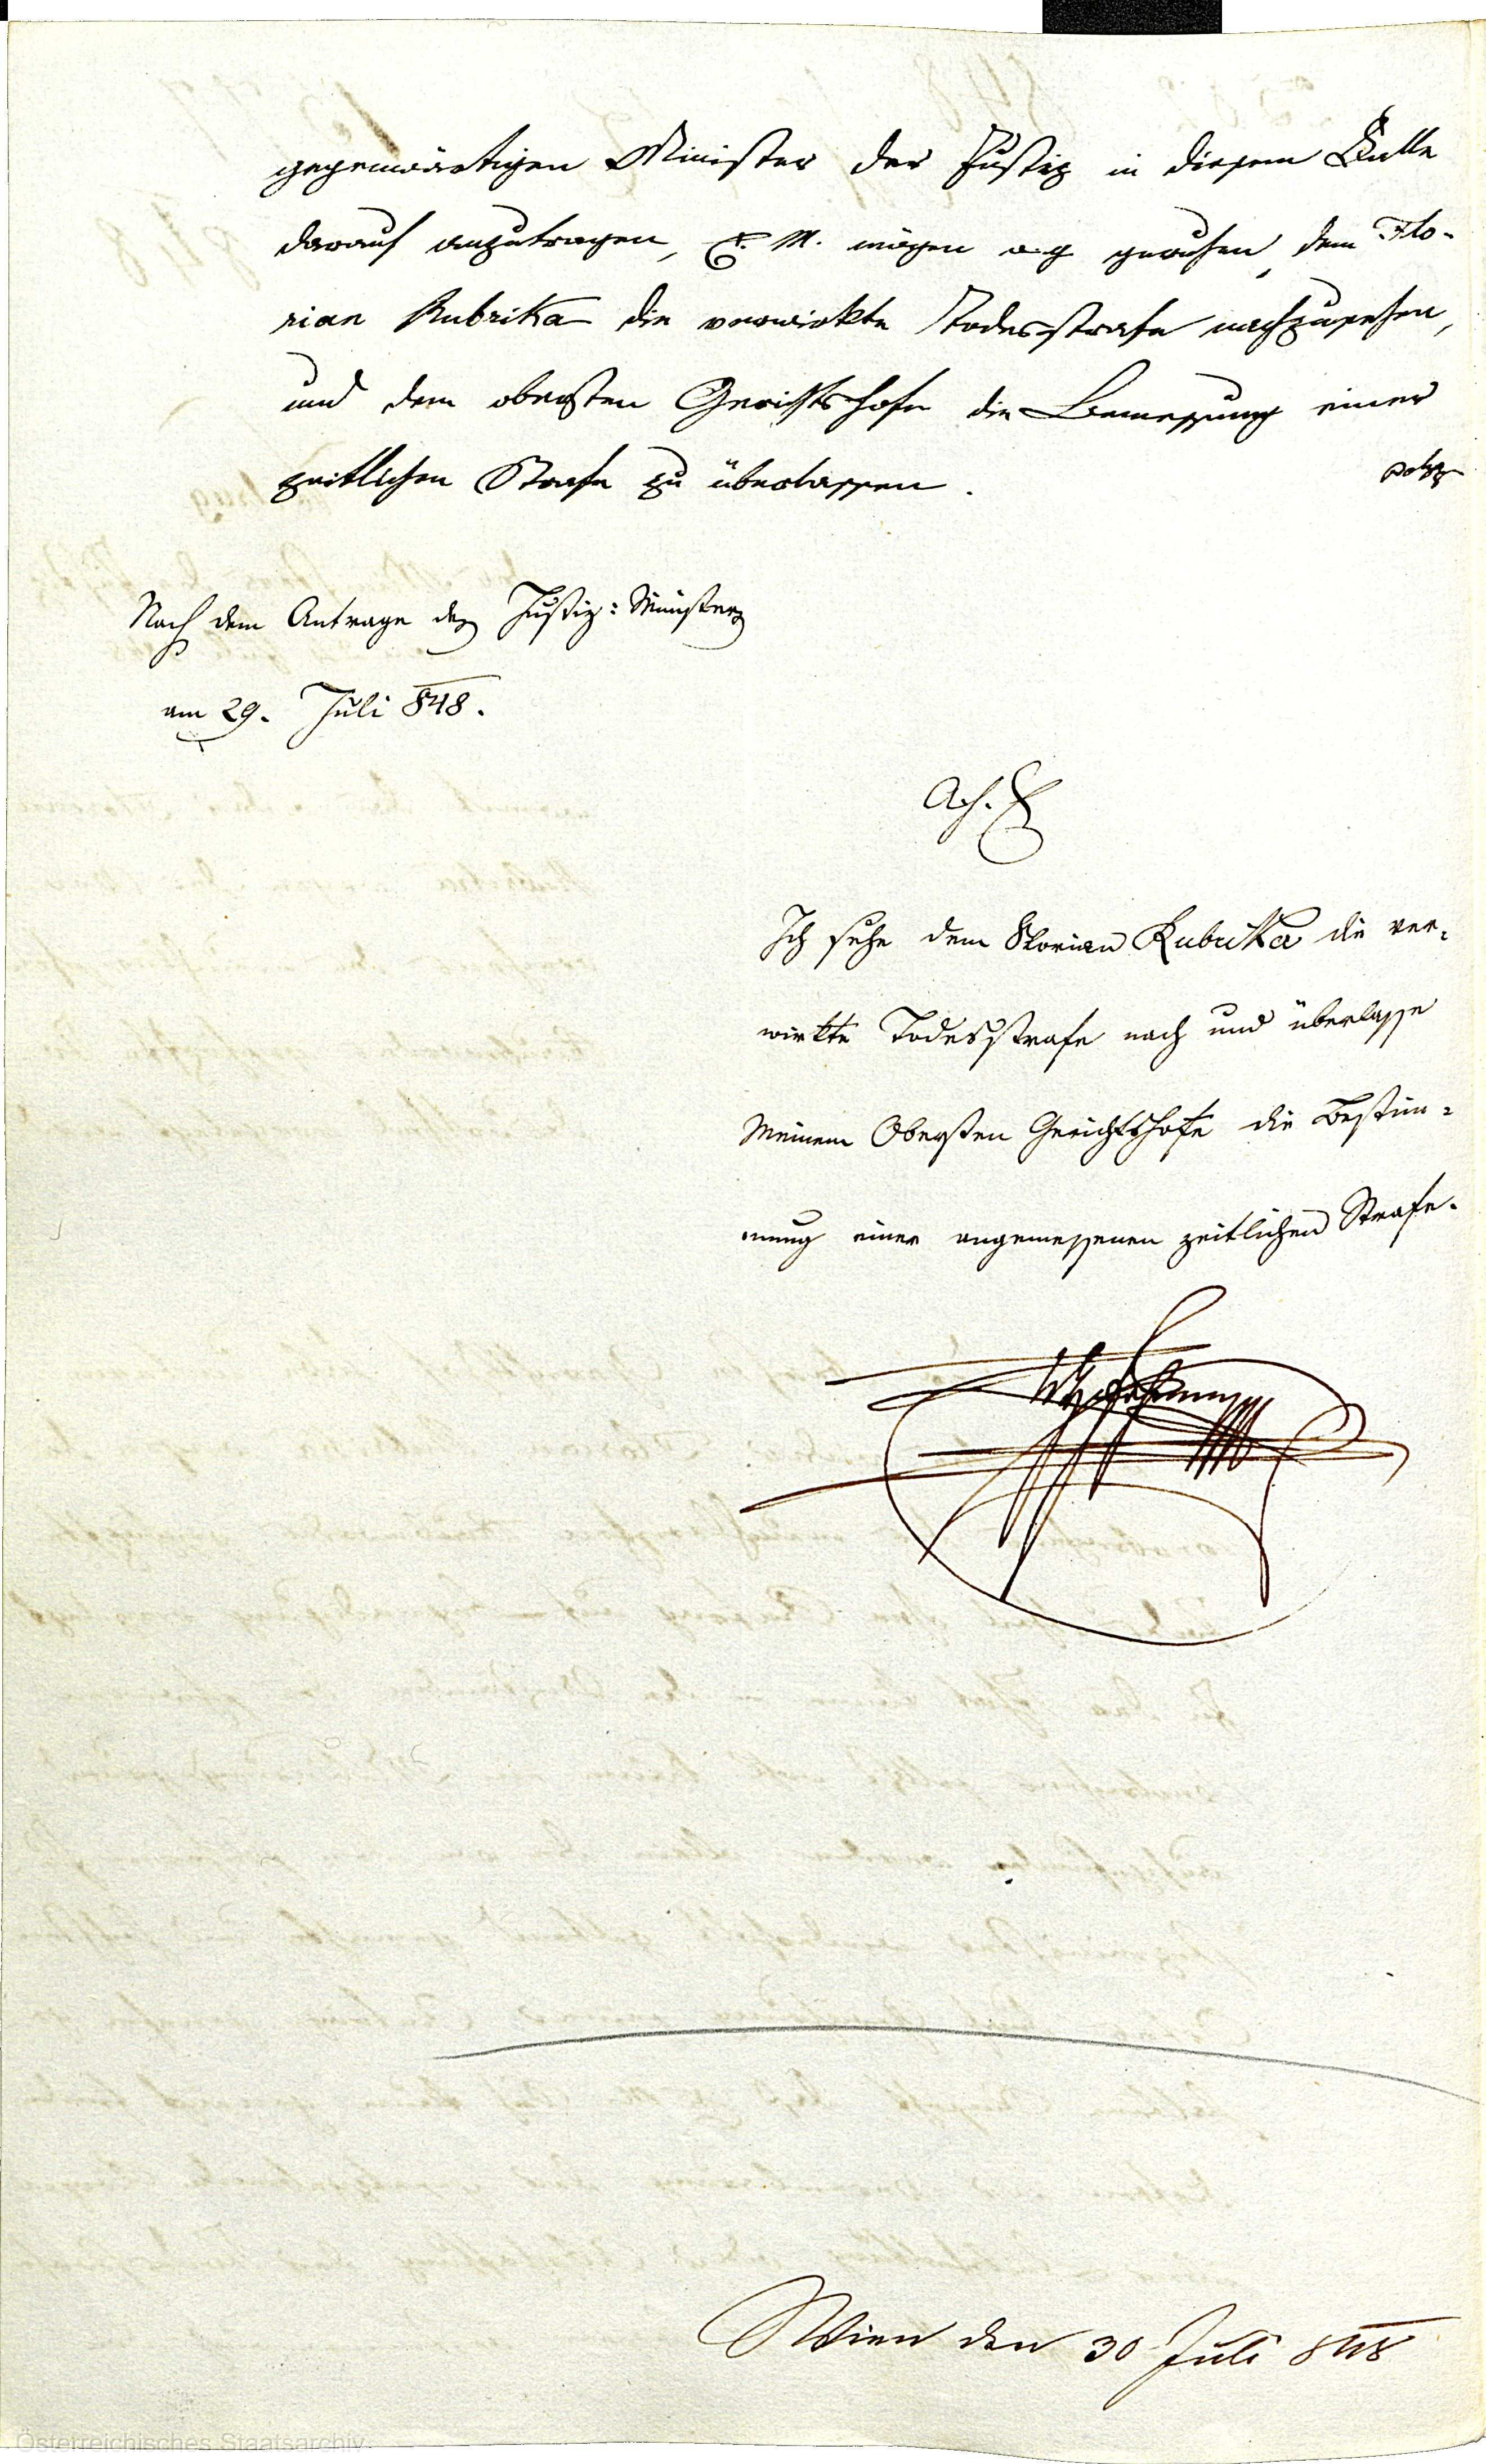gegenwärtigen Minister der Justiz in diesem Falle
darauf anzutragen, E.M. mögen auch geruhen, dem Flo¬
rian Rubrika die verwirkte Todesstrafe nachzusehen,
und dem obersten Gerichsthofe die Bemessung einer
zeitlichen Strafe zu überlassen.
Bolza
Nach dem Antrage des Justiz-Ministers
Am 29. Juli [1]848
AhE
Ich sehe dem Florian Rubrika die ver¬
wirkte Todesstrafe nach und überlasse
Meinem Obersten Gerichtshofe die Bestim¬
mung einer angemessenen zeitlichen Strafe.
Erz. Johann
Wien den 30 Juli [1]848